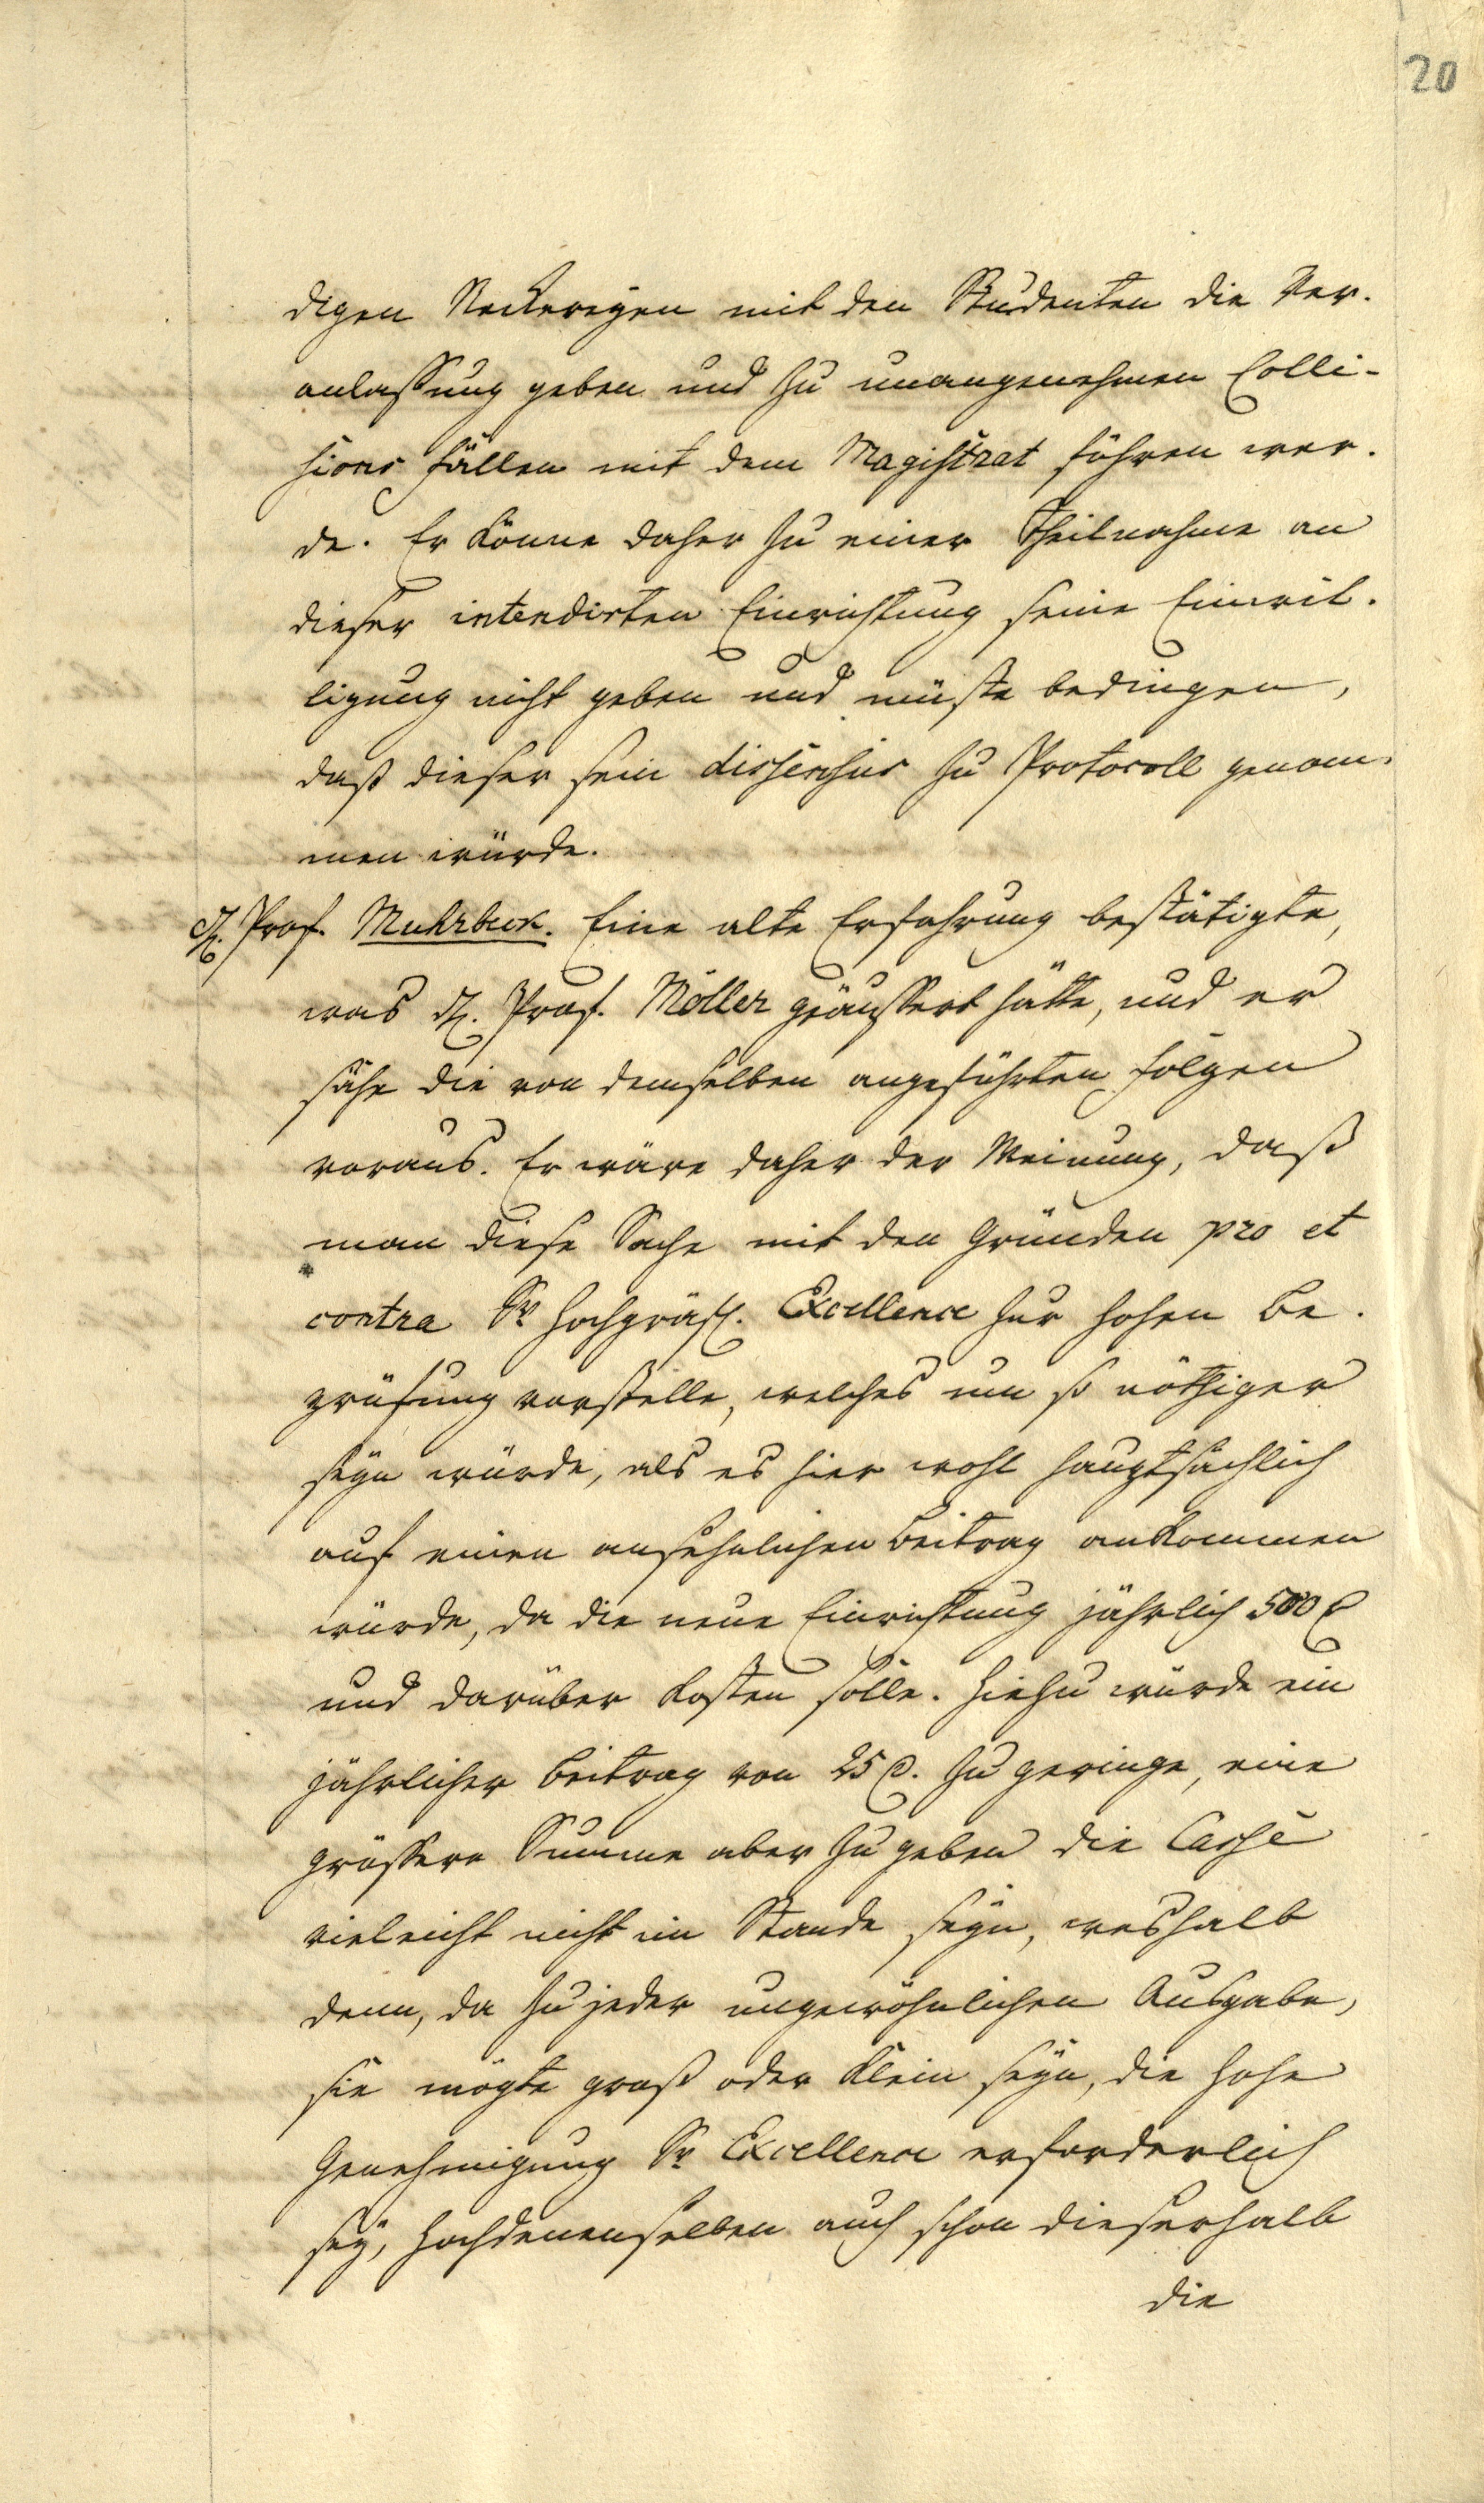digen Neckereyen mit den Studenten die Ver-
anlassung geben und zu unangenehmen Colli-
sions fällen mit dem Magistrat führen wer-
de. Er könne daher zu einer Theilnahme an
dieser intendierten Einrichtung seine Einwil-
ligung nicht geben und mußte bedingen,
daß dieser sein dissensus zu Protocoll genom-
men würde.
dh. Prof. Muhrbeck. Eine alte Erfahrung bestätgite,
was dh. Prof. Möller geäussert hätte, und er
sähe die von demselben angeführten Folgen
voraus. Er wäre daher der Meinung, daß
man diese Sache mit den Gründen pro et
contra Sr. hochgräfl. Excellence zur hohen Be-
prüfung vorstelle, welches um so nothiger
seyn würde, als es hier wohl hauptsächlich
auf einen ansehnlichen Beitrag ankommen
würde, da die neue Einrichtung jährlich 500 rtl
und darüber kosten solle. Hiezu würde ein
jährlicher Beitrag von 25 rt. zu geringe, eine
grössere Summe aber zu geben die Casse
vielleicht nicht im Stande seyn, weshalb
denn, da zu jeder ungewöhnlichen Ausgabe,
sie mögte groß oder klein seyn, die hohe
Genehmigung Sr. Excellence erforderlich
sey, hochdenenselben auch schon dieserhalb
die